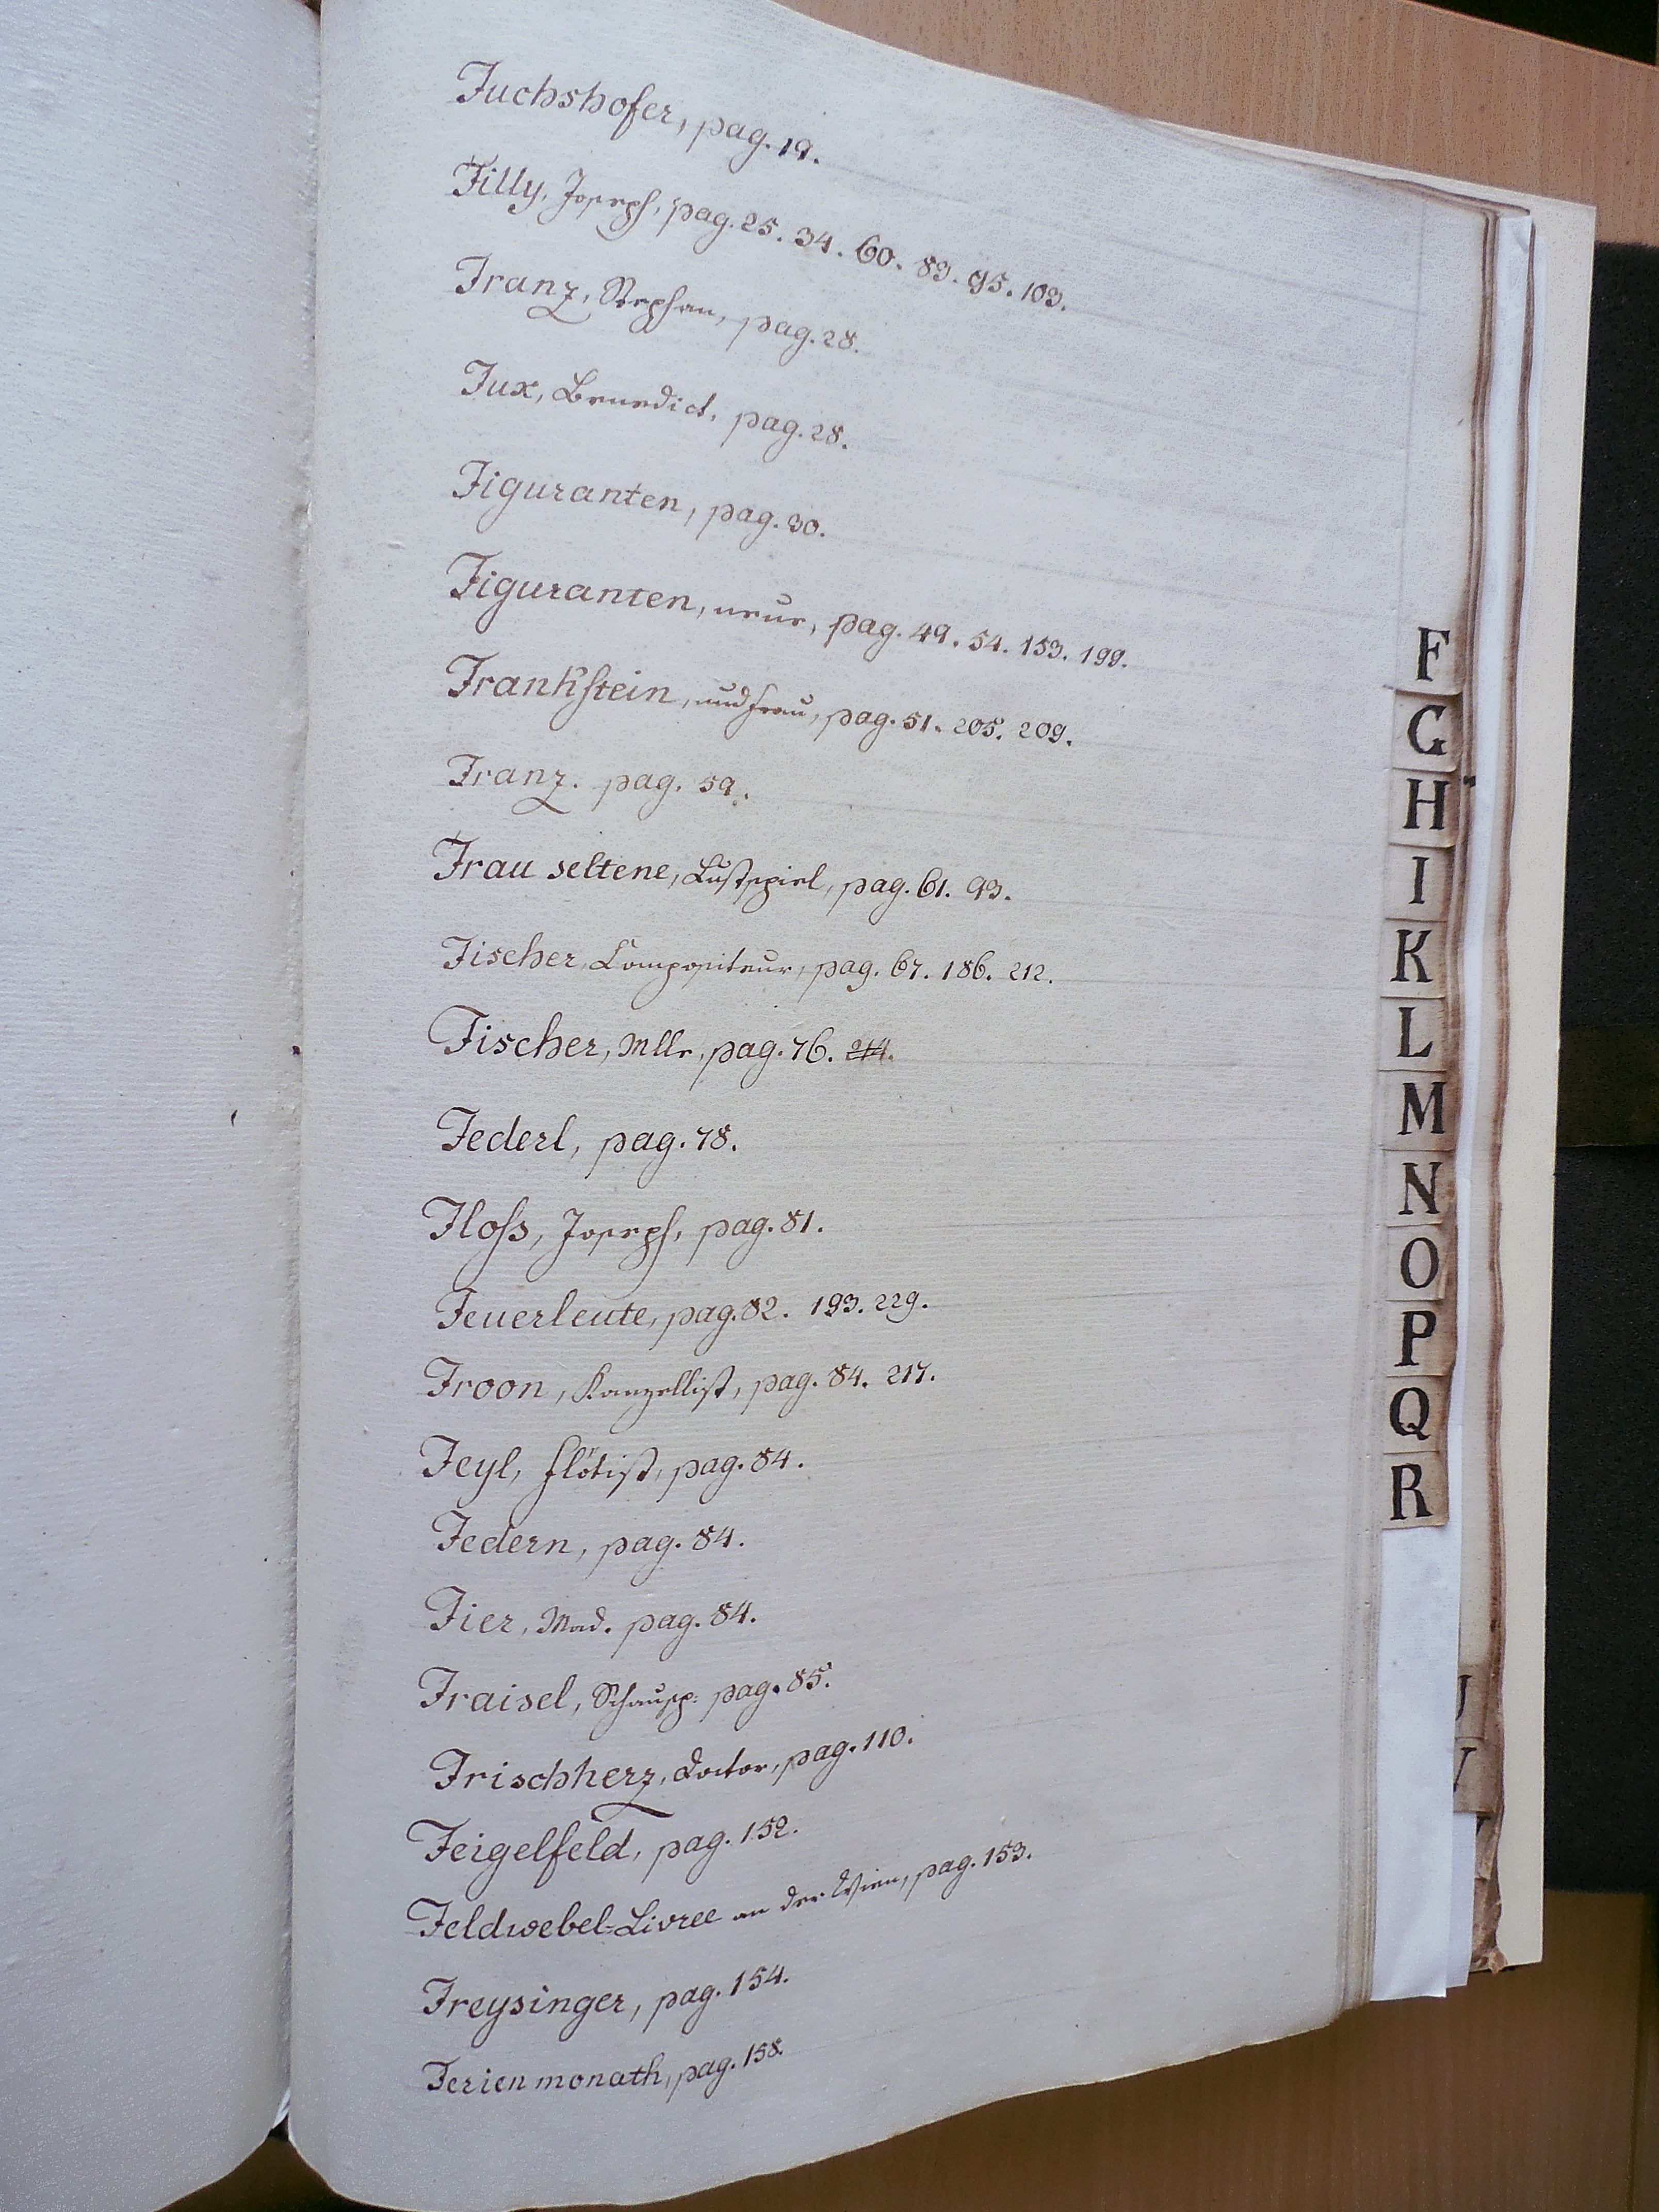F
Fuchshofer, pag. 19.
Filly, Joseph, pag. 25. 34. 60. 83. 95. 103.
Franz, Stephan, pag. 28.
Fux, Benedict, pag. 28.
Figuranten, pag. 30.
Figuranten, neue, pag. 49. 54. 153. 199.
Frankstein, und Frau, pag. 51. 205. 209.
Franz. pag. 59.
Frau seltene, Lustspiel, pag. 61. 93.
Fischer, Compositeur, pag. 67. 186. 212.
Fischer, Mlle. pag. 76. 214.
Federl, pag. 78.
Floss, Joseph, pag. 81.
Feuerleute, pag. 82. 193. 229.
Froon, Kanzellist, pag. 84. 217.
Feyl, Flötist, pag. 84.
Federn, pag. 84.
Fier, Mad. pag. 84.
Fraisel, Schausp: pag. 85.
Frischherz, Doctor, pag. 110.
Feigelfeld, pag. 152.
Feldwebel-Livree an der Wien, pag. 153.
Freysinger, pag. 154.
Ferienmonath, pag. 158.